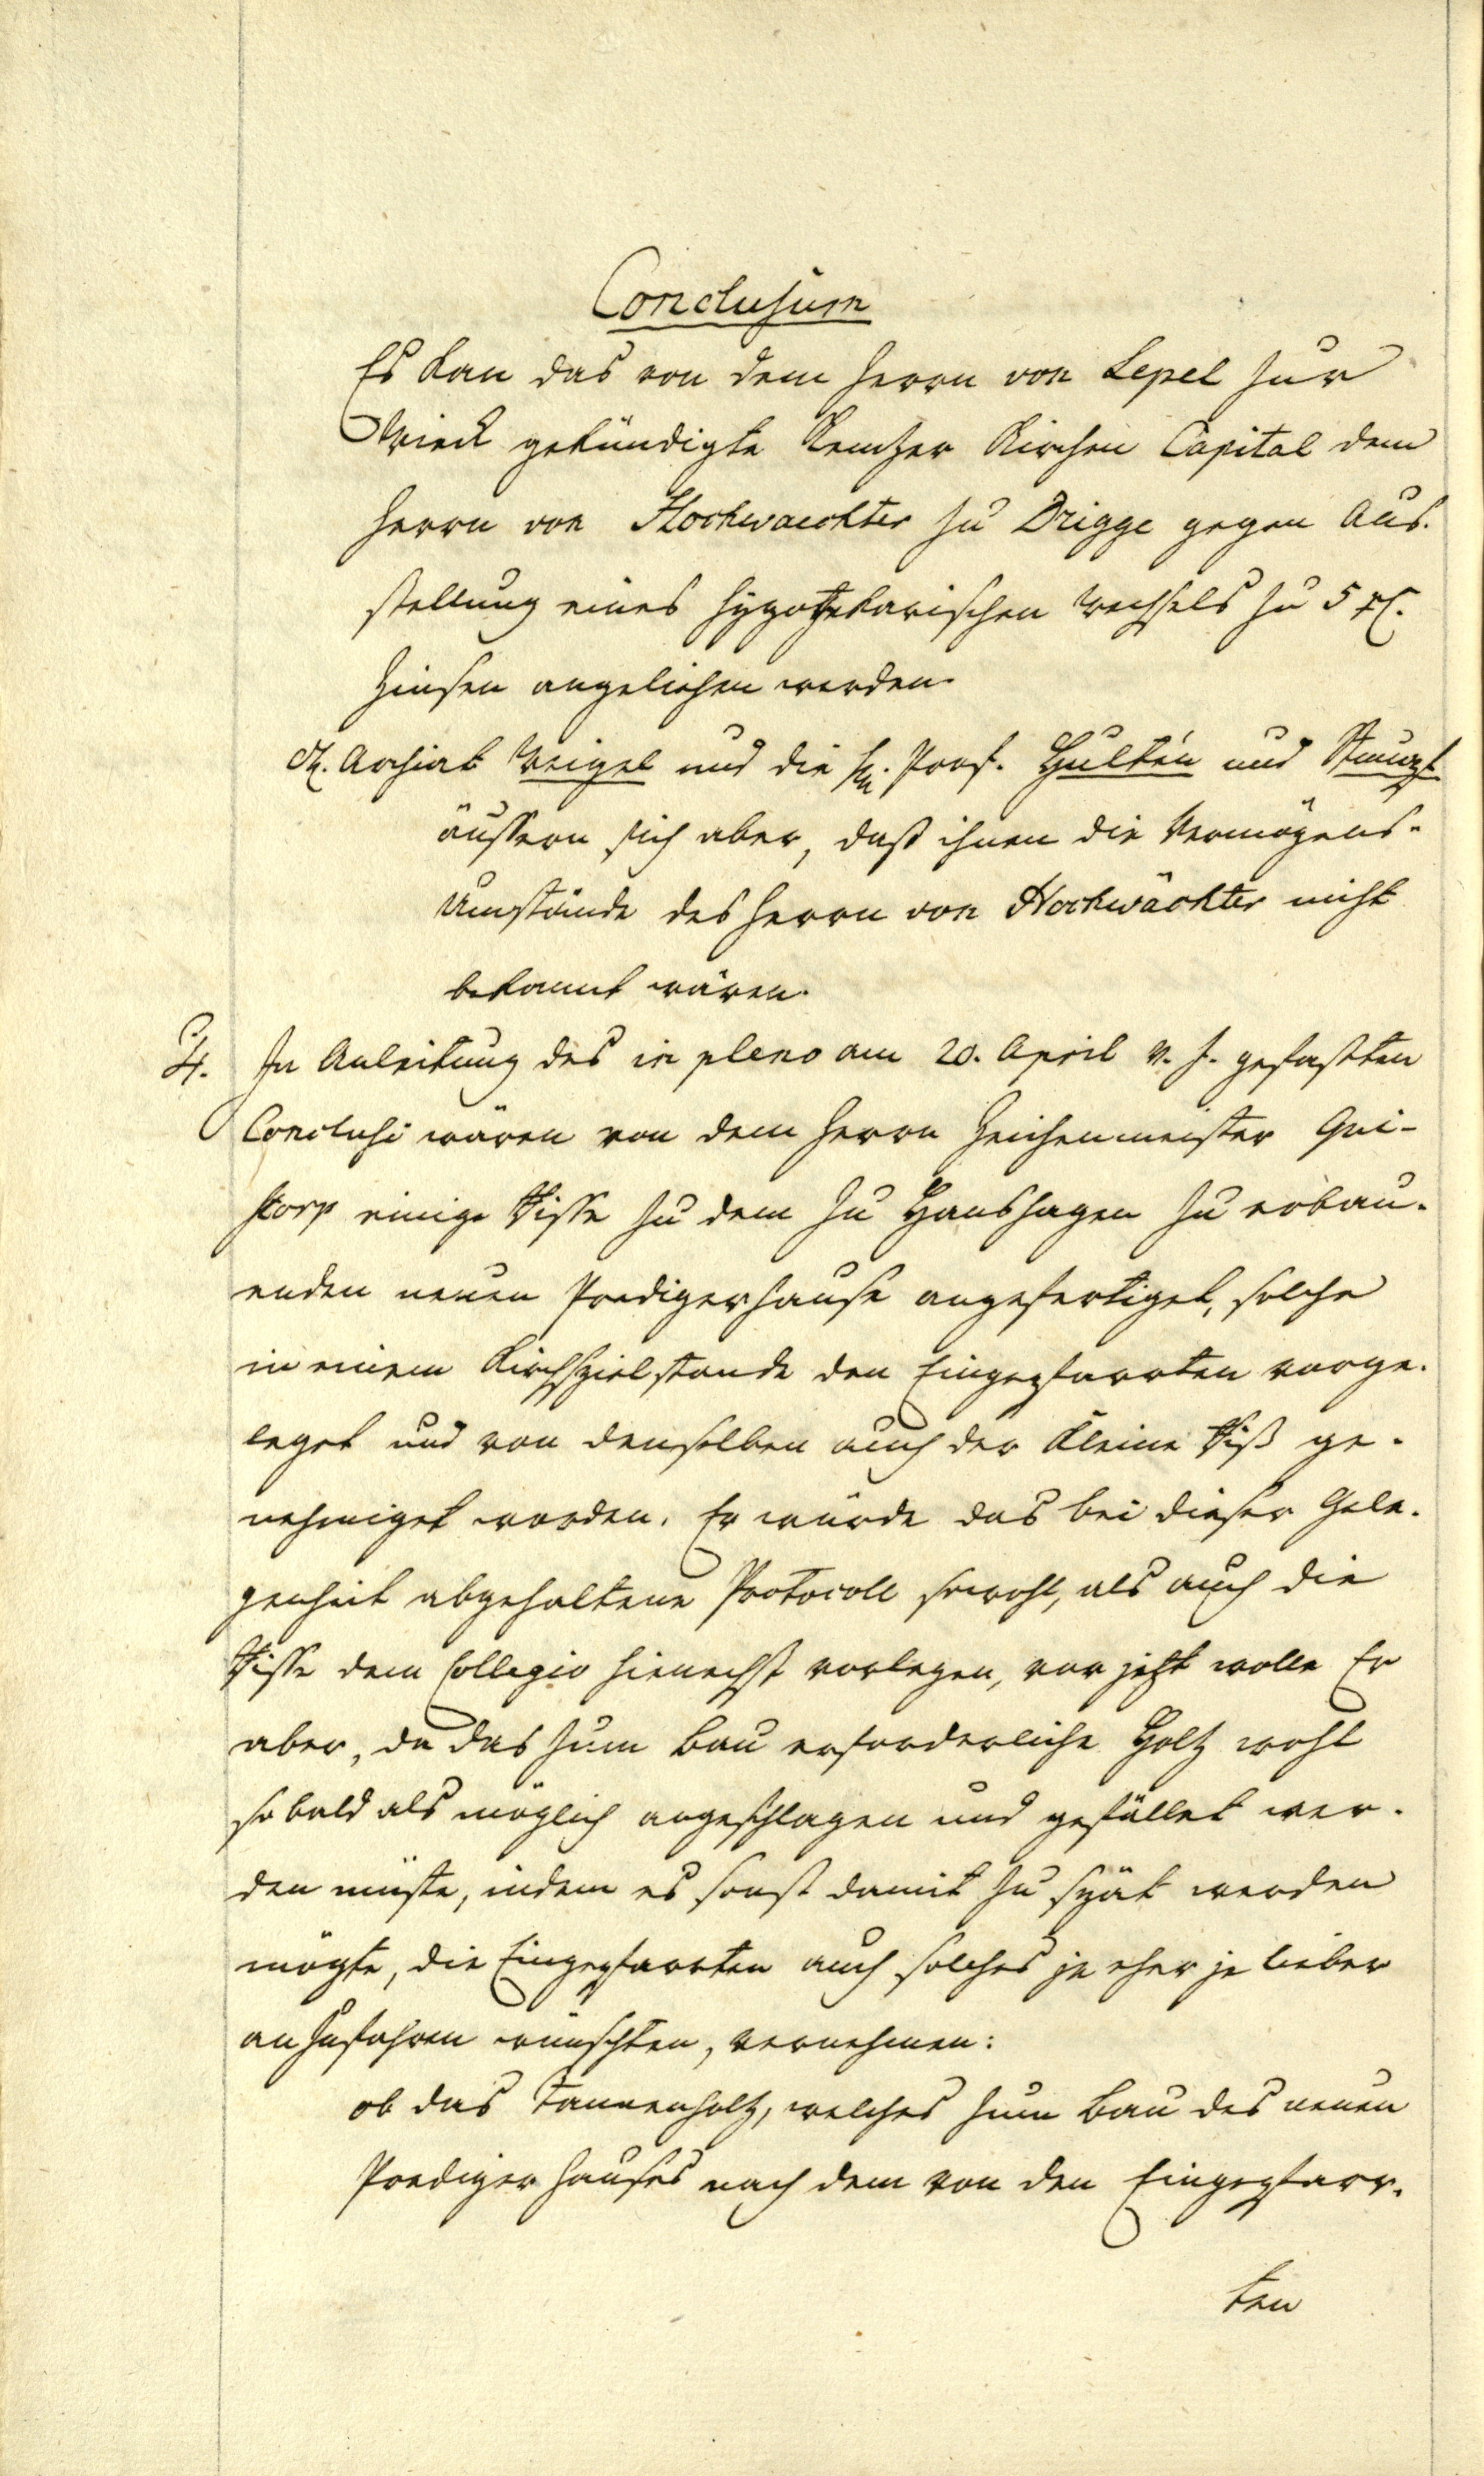Conclusum
Es kan das von dem Herrn von Lepel zur
Wieck gekündigte Kemzer Kirchen Capital dem
Herrn von Hochwächter zu Drigge gegen Aus¬
stellung eines hypothekarischen Wechsels zu 5 r.
Zinsen angeliehen werden.
dh Archiat. Weigel und die H. Prof. Hultén und Stumpf
äussern sich aber daß ihnen die Vermögens¬
Umstände des Herrn von Hochwächter nicht
bekannt wären.
4. In Anleitung des in pleno am 20. April v. J. gefaßten
Conclusi wären von dem Herrn Zeichenmeister Qui¬
storp einige Risse zu dem zu Hanshagen zu erbau¬
enden neuen Predigerhause angefertiget, solche
in einem Kirchspielstande den Eingepfarrten vorge¬
leget und von denselben auch der kleine Riß ge¬
nehmiget worden. Er würde das bei dieser Gele¬
genheit abgehaltene Protocoll sowohl, als auch die
Risse dem Collegio hienechst vorlegen, vor jetzt wolle Er
aber, da das zum Bau erforderlichen Holz wohl
so bald als möglich angeschlagen und gefället wer¬
den müßte, indem es sonst damit zu spät werden
mögte, die Eingepfarrten auch solches je eher je lieber
anzufahren wünschten, vernehmen:
ob das Tannenholz, welches zum Bau des neuen
Prediger Hauses nach dem von den Eingepfarr¬
ten